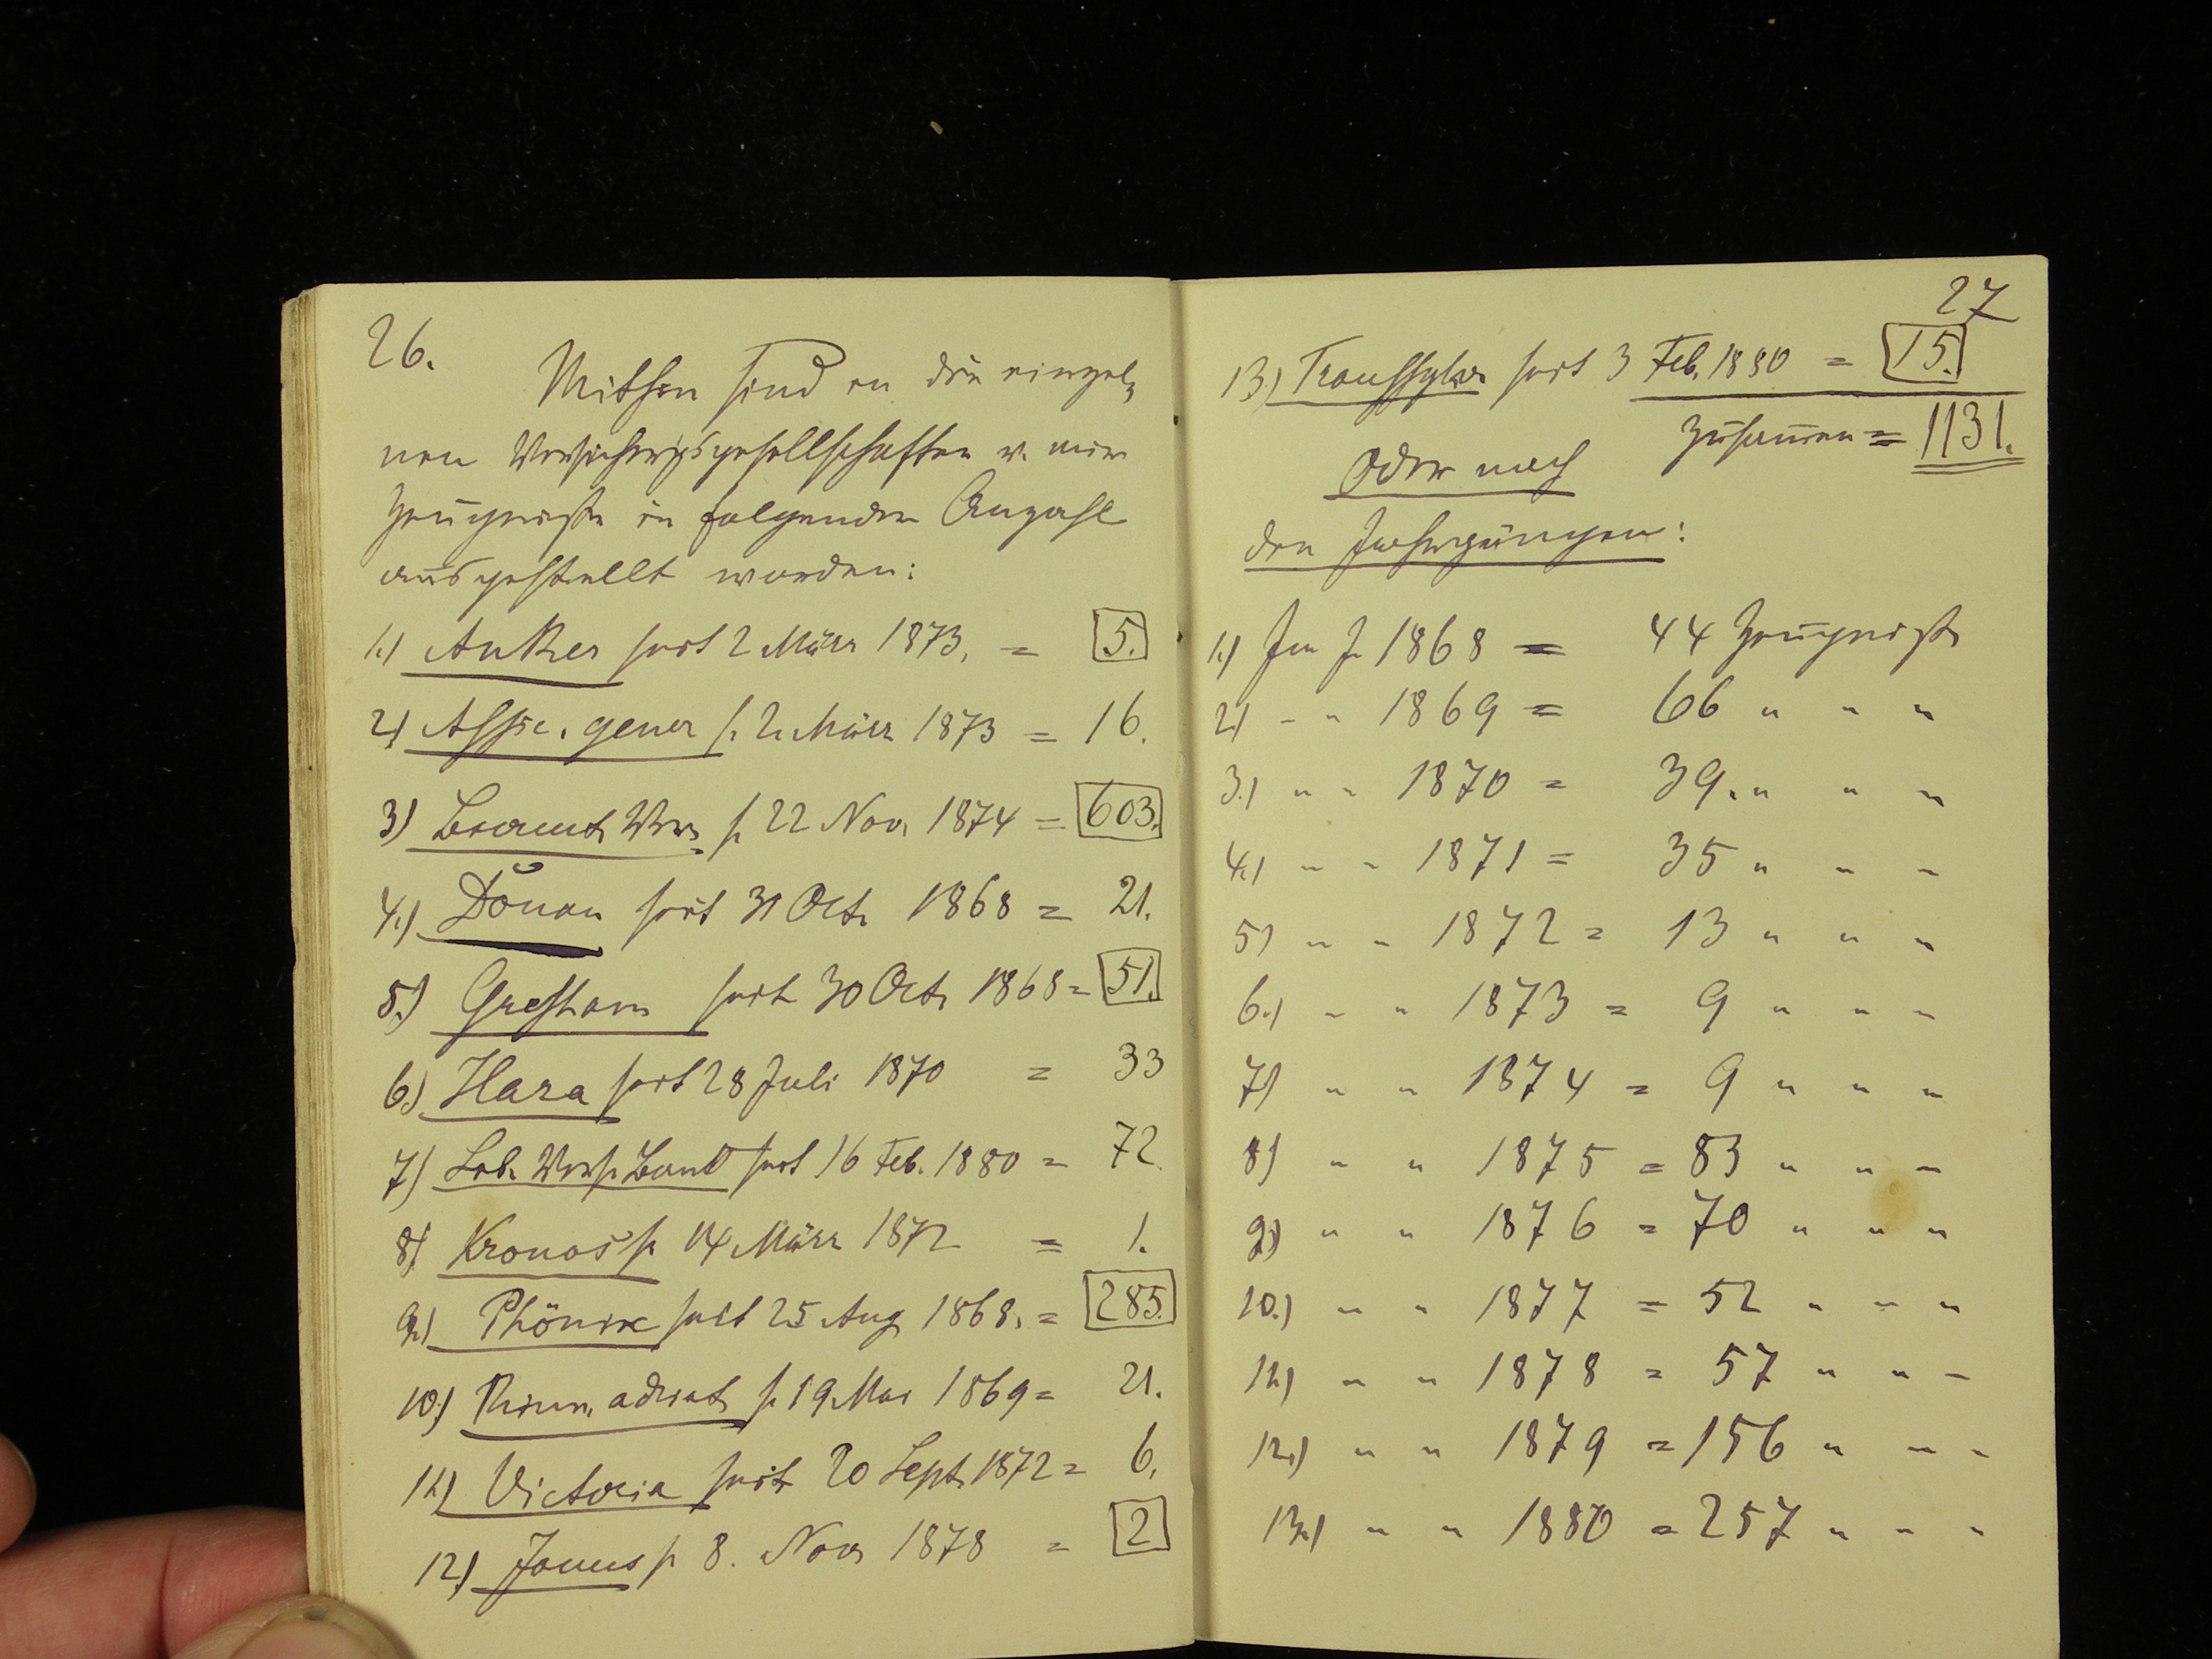26
Mithin sind in den einzel¬
nen Versicherungsgesellschaften von mir
Zeugniße in folgender Anzahl
ausgestellt worden:
1) Anker seit 2 März 1873 = 5
2) Assicur. Generali seit 2 März 1873 = 16
3) Beamten Versich. seit 22 Nov.1874 = 603
4) Donau seit 31 Octob.1868 = 21
5) Hestony seit 30 Octob. 1868 = 51
6) Tlara seit 28 Juli 1870 = 51
7) Lebens. Ver. Bank seit 16. Febr. 1870 = 33
8) Kronoche seit 14 März 1872 = 1
9) Phönix seit 14 März 1872 = 285
10) Riunion. Adriatica seit 19 März 1869 = 21
11) Victoria seit 20 Sept. 1872 = 6
12) Janus seit Nov. 1878 = 2
27
13) Transylvania seit 3 Febr. 1880 = 15
Zusammen = 1131
Oder nach
Jahrgängen:
1) Im Jahre 1868 = 44 Zeugniße
2) * 1869 = 66 *
3) * 1870 = 39 *
4) * 1871 = 35 *
5) * 1872 = 13 *
6) * 1873 = 9 *
7) * 1874 = 9 *
8) * 1875 = 83 *
9) * 1876 = 70 *
10) * 1877 = 52 *
11) * 1878 = 57 *
12) * 1879 = 156 *
13) * 1880 = 257 *